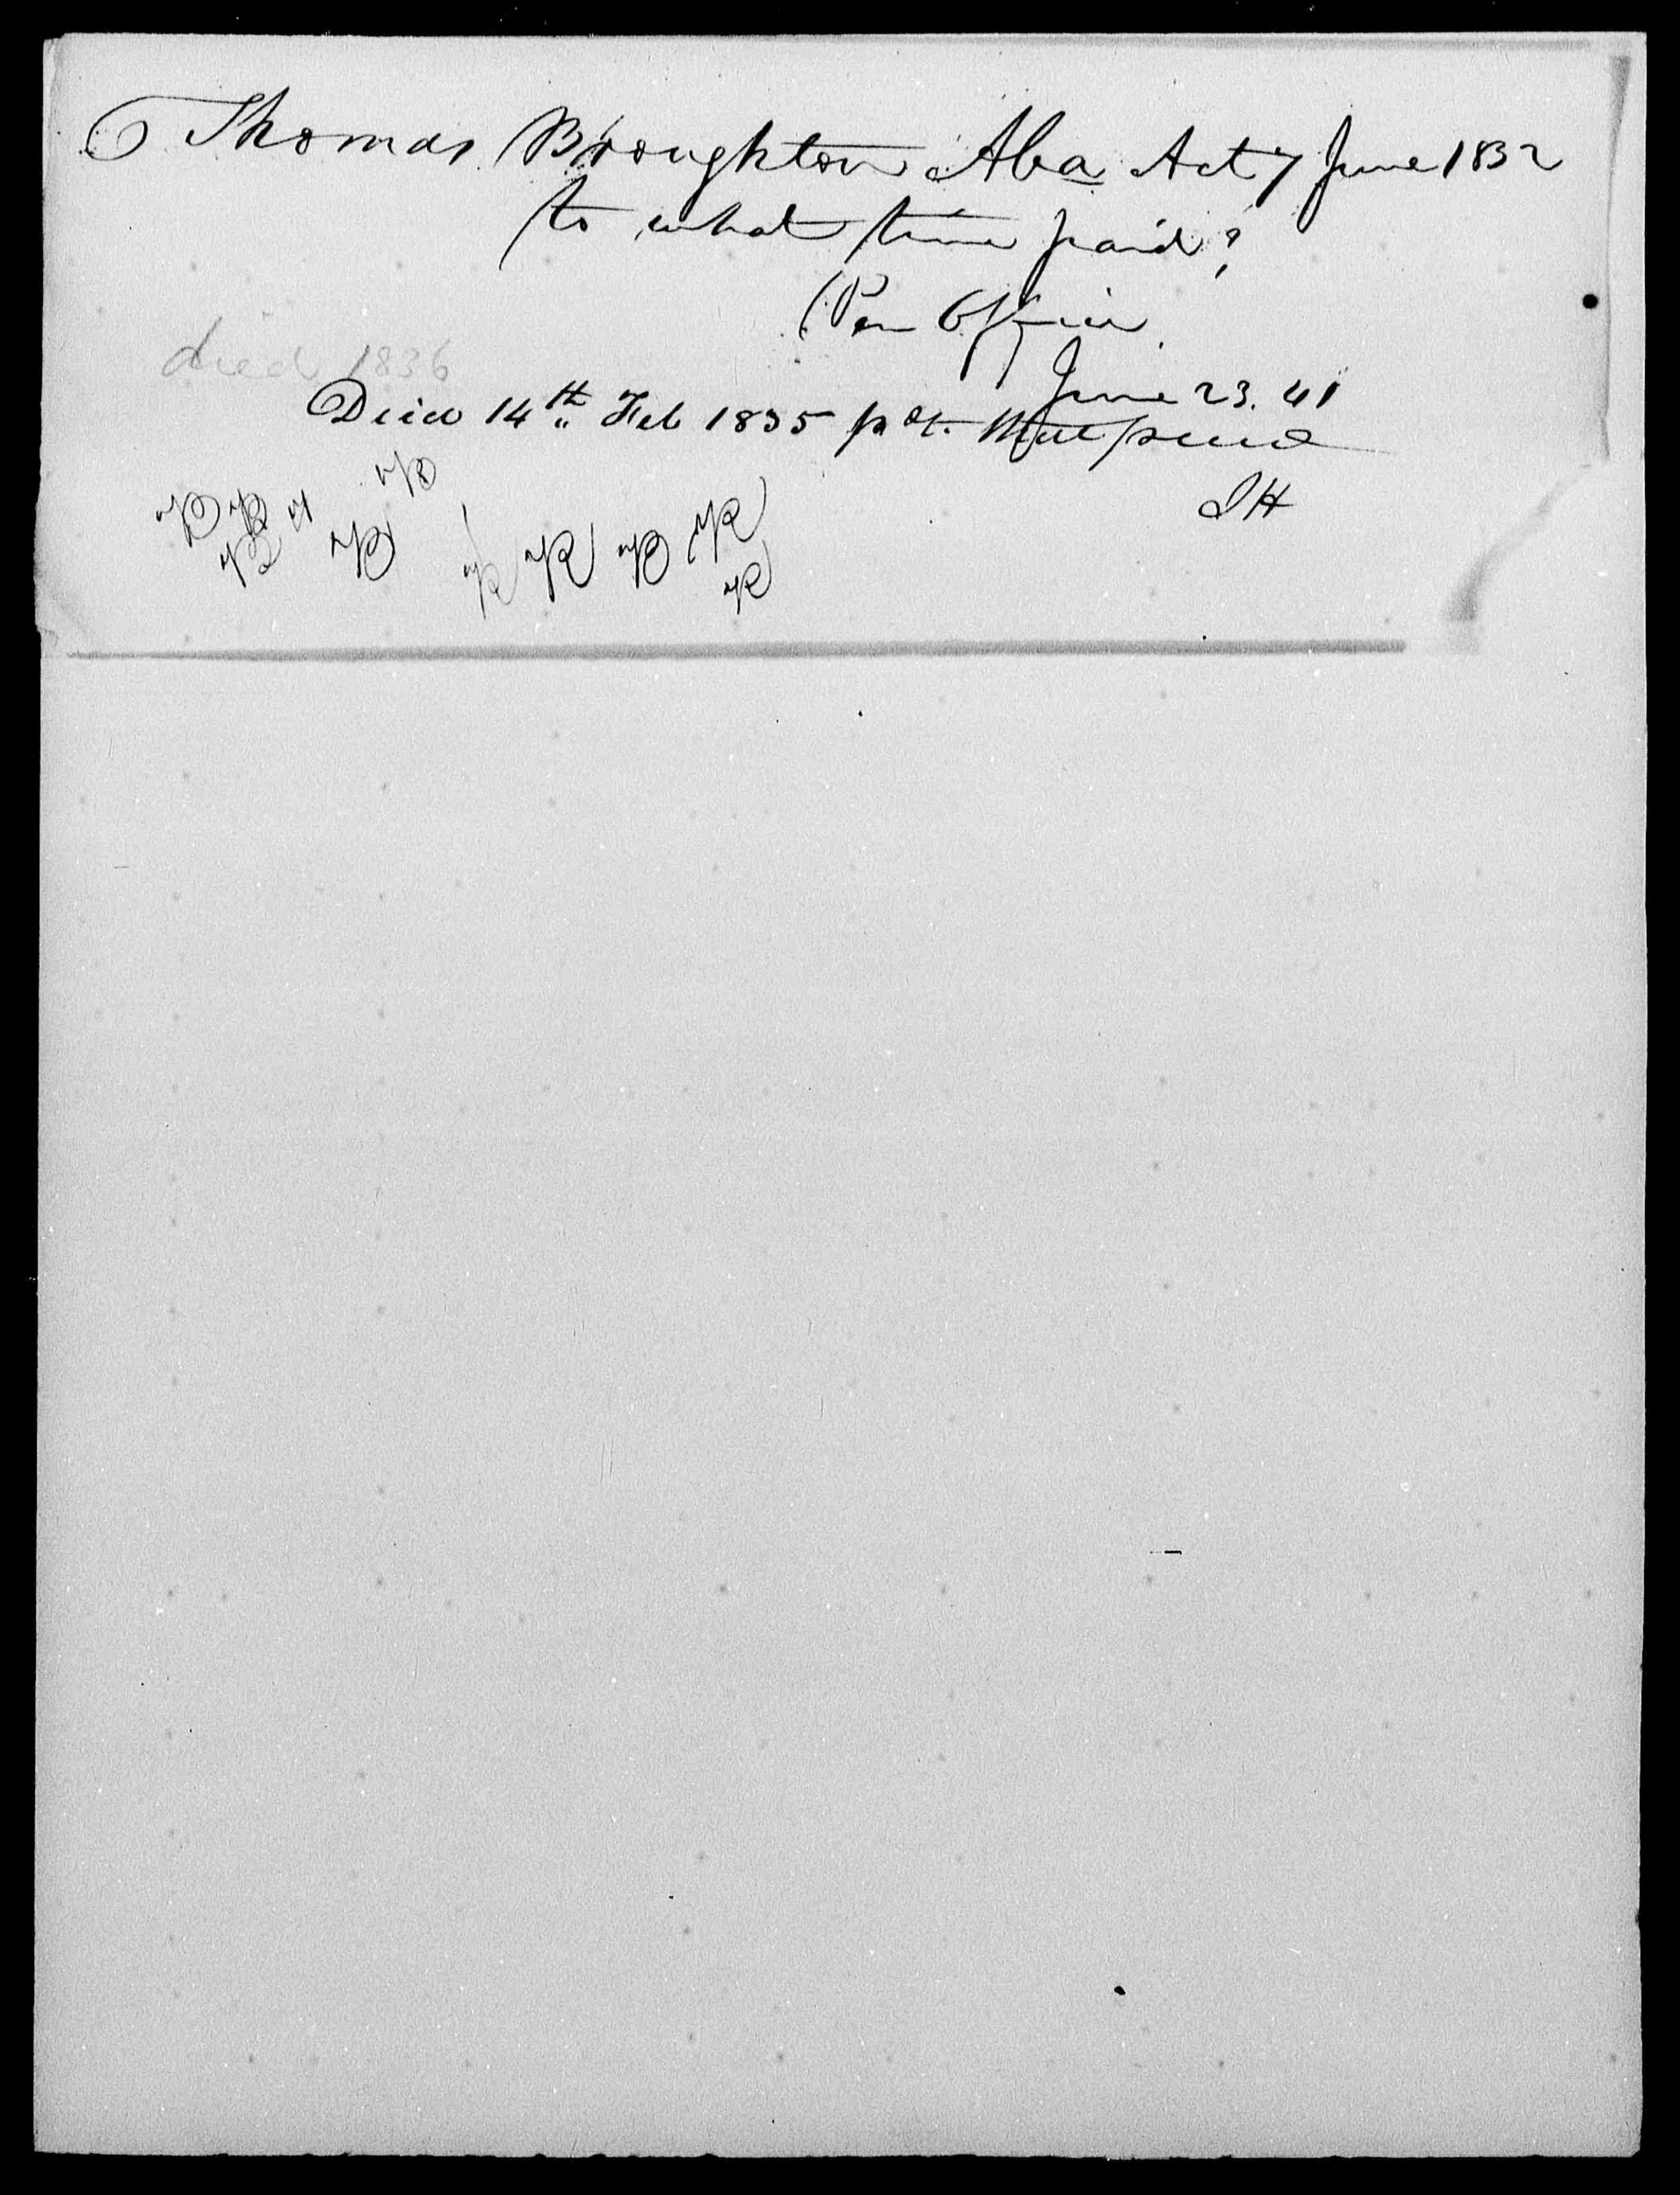Thomas Broughton Aba Act 7 June 1832
to what time paid
Per office
June 23. 41
Died 14th Feb 1835  p that paid   
JH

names: Thomas Broughton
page: 57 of 72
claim: widow's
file: W. 897, Thomas Broughton, S.C.